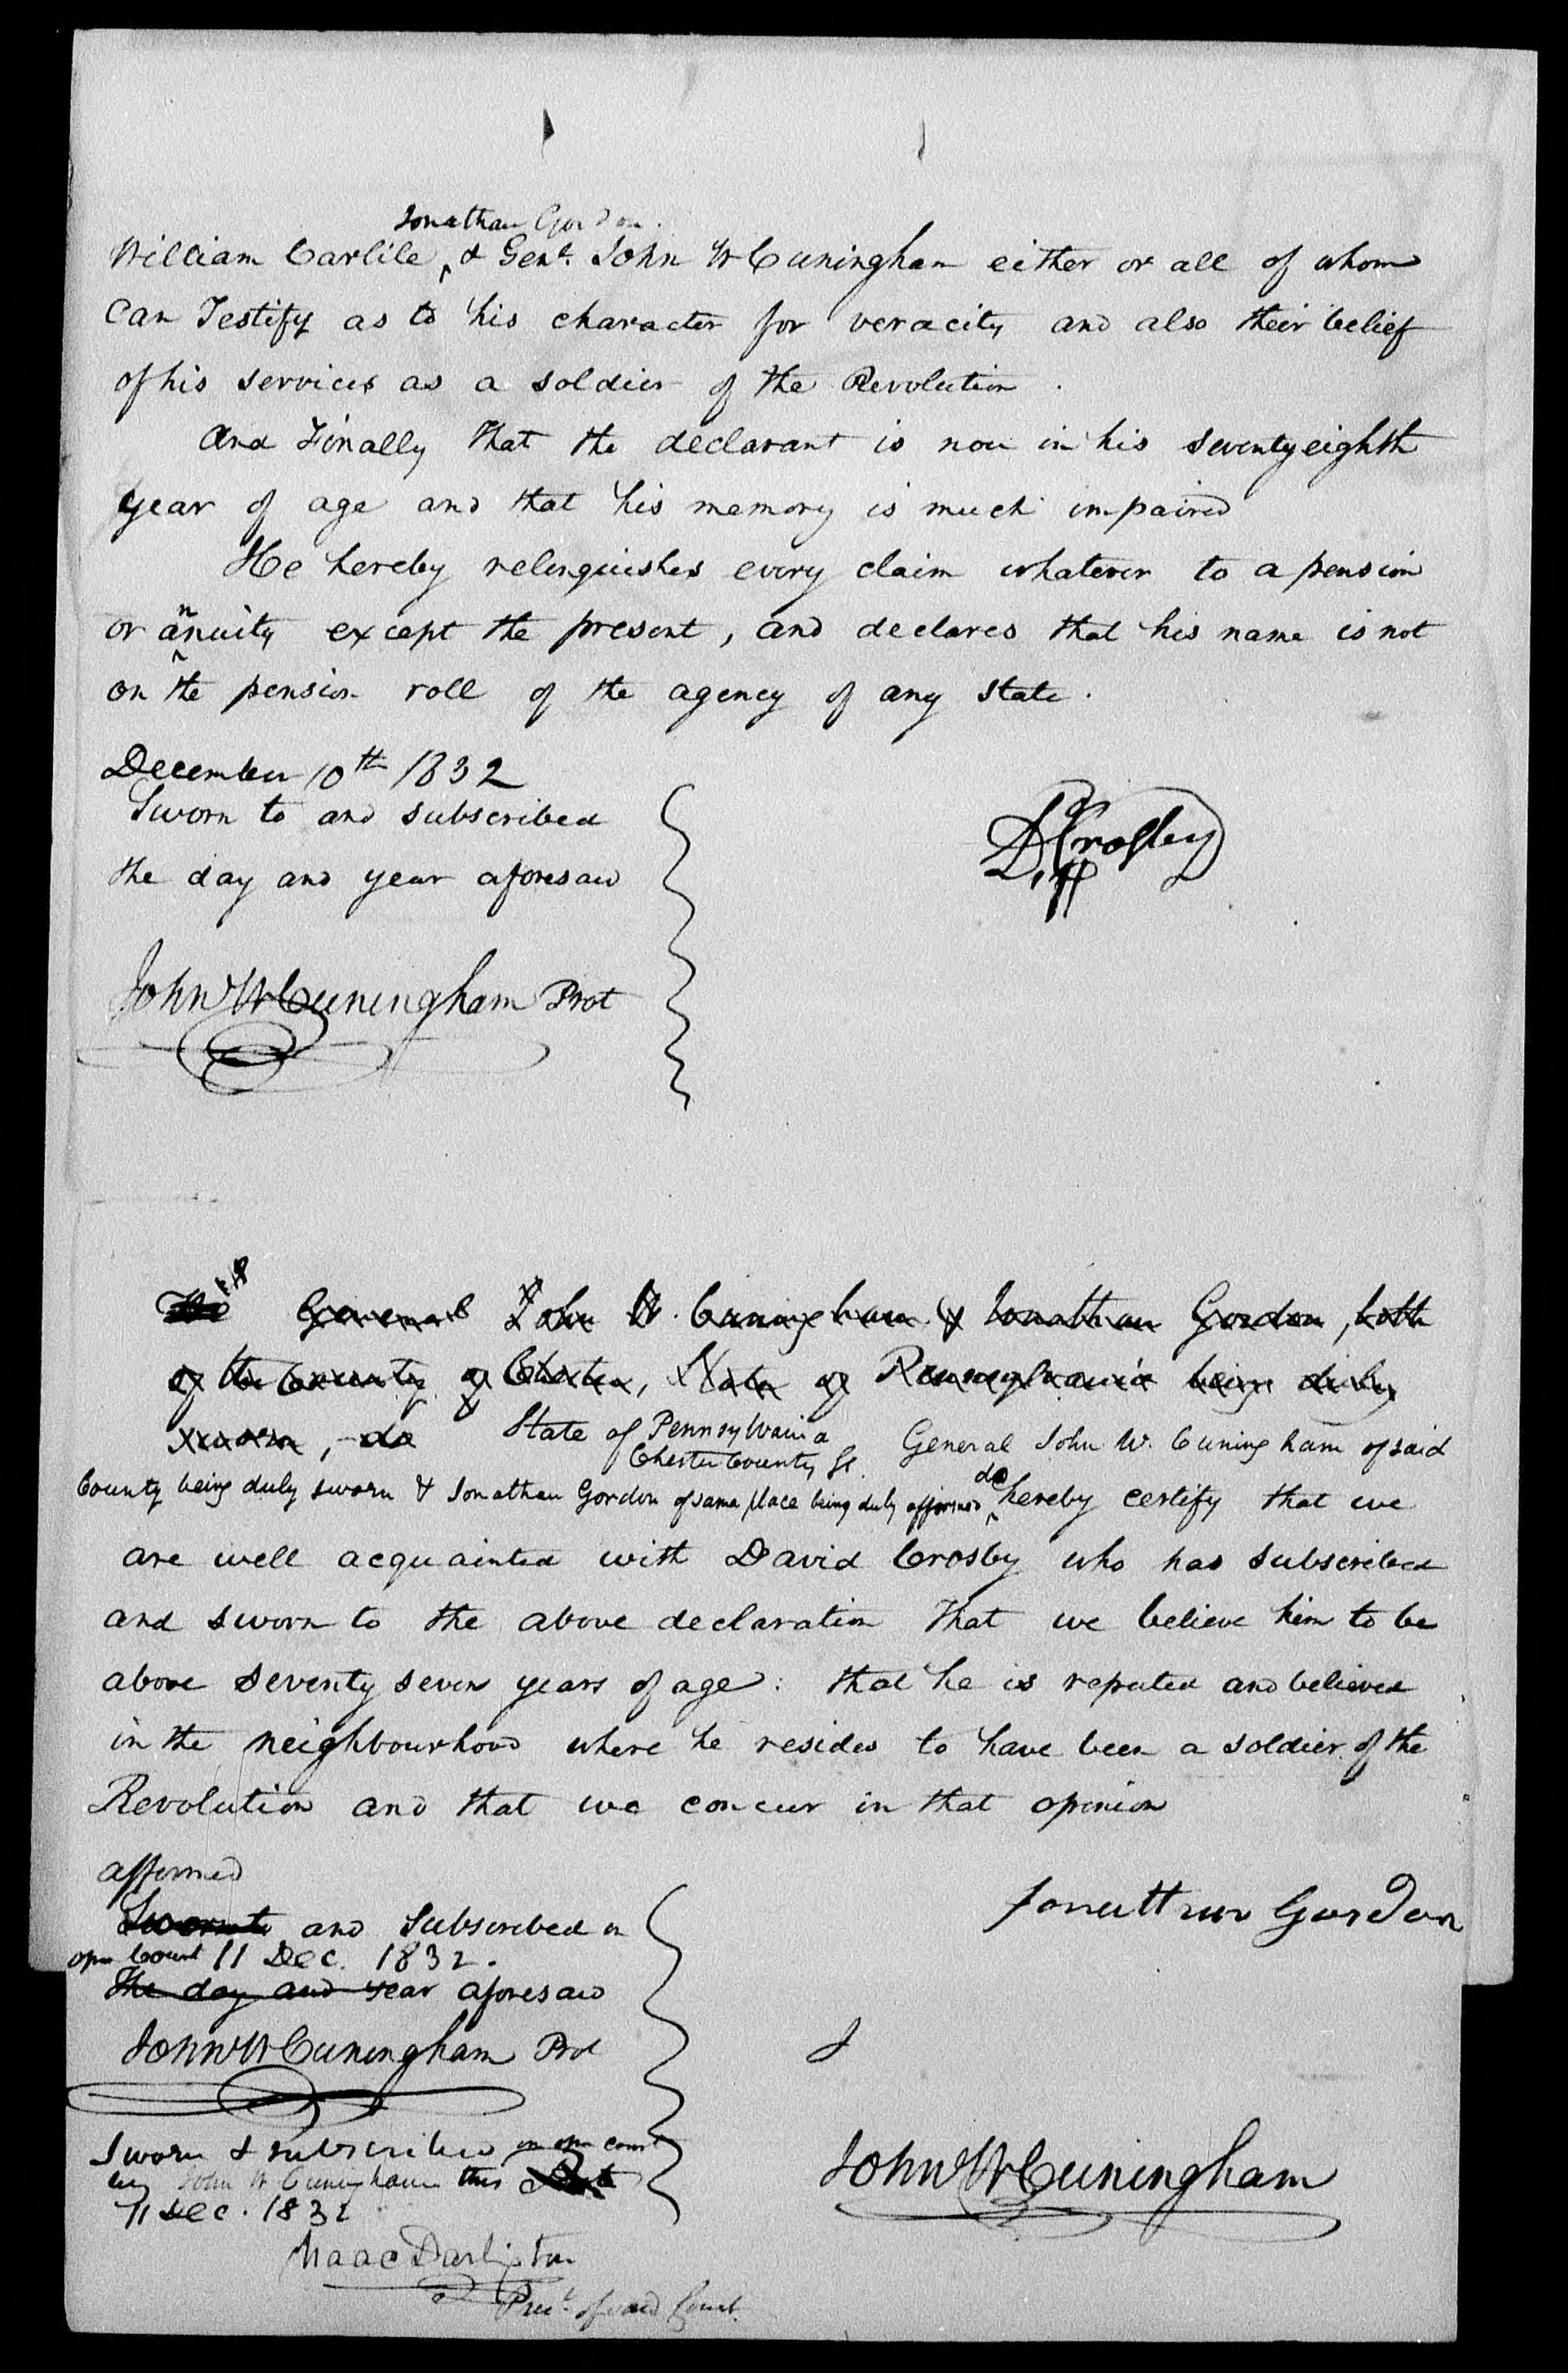William Carlile, Jonathan Gordon, and Genl. John W. Cunningham either it all of whom can testify as to his character for veracity and also their belief of his services as a soldier of the Revolution. 
And finally that the declarant is now in his seventy eighth year of age and that his memory is much impaired
He hereby relinquished every claim whatever to a pension or annuity except the present, and declares that his name is not on the pension roll of the agency of any state.
December 10th 1832
Sworn to and subscribed the day and year aforesaid

[signatures]
D Crosbey
John W. Cunningham Prot

[crossed out] General John W. Cunningham and Jonathan Gordon, both of the County of Chester, State of Pennsylvania being duly sworn do]

State of Pennsylvania Chester County Ss. General John W. Cunningham, of said County being duly sworn and Jonathan Gordon of same place being duly affirmed do hereby certify that we are well acquainted with David Crosby who has subscribed and sworn to the above declaration that we believe him to be above seventy seven years of age: that he is reputed and believed in the neighborhood where he resides to have been a soldier of the revolution and that we concur on that opinion
afformed and Subscribed in open court 11 Dec 1832
[crossed out] the day and year aforesaid

[signatures]
Jonathan Gordon
John W Cunningham Prot

Sworn and subscribed in open court by John W. Cunningham this 11 Dec 1832
[signatures]
John W Cunningham,
Isaac Darlington Prec. of said Court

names: William Carlile, John W Cuningham, Jonathan Gordon, Isaac Darlington, David Crosby, John W Cuningham, John W Cuningham, Jonathan Gordon, John W Cuningham, Jonathan Gordon, John W Cuningham, Jonathan Gordon, John W Cuningham, D Crosby, John W Cuningham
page: 7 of 19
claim: survivor's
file: S. 12626, David Crosby, Penn.